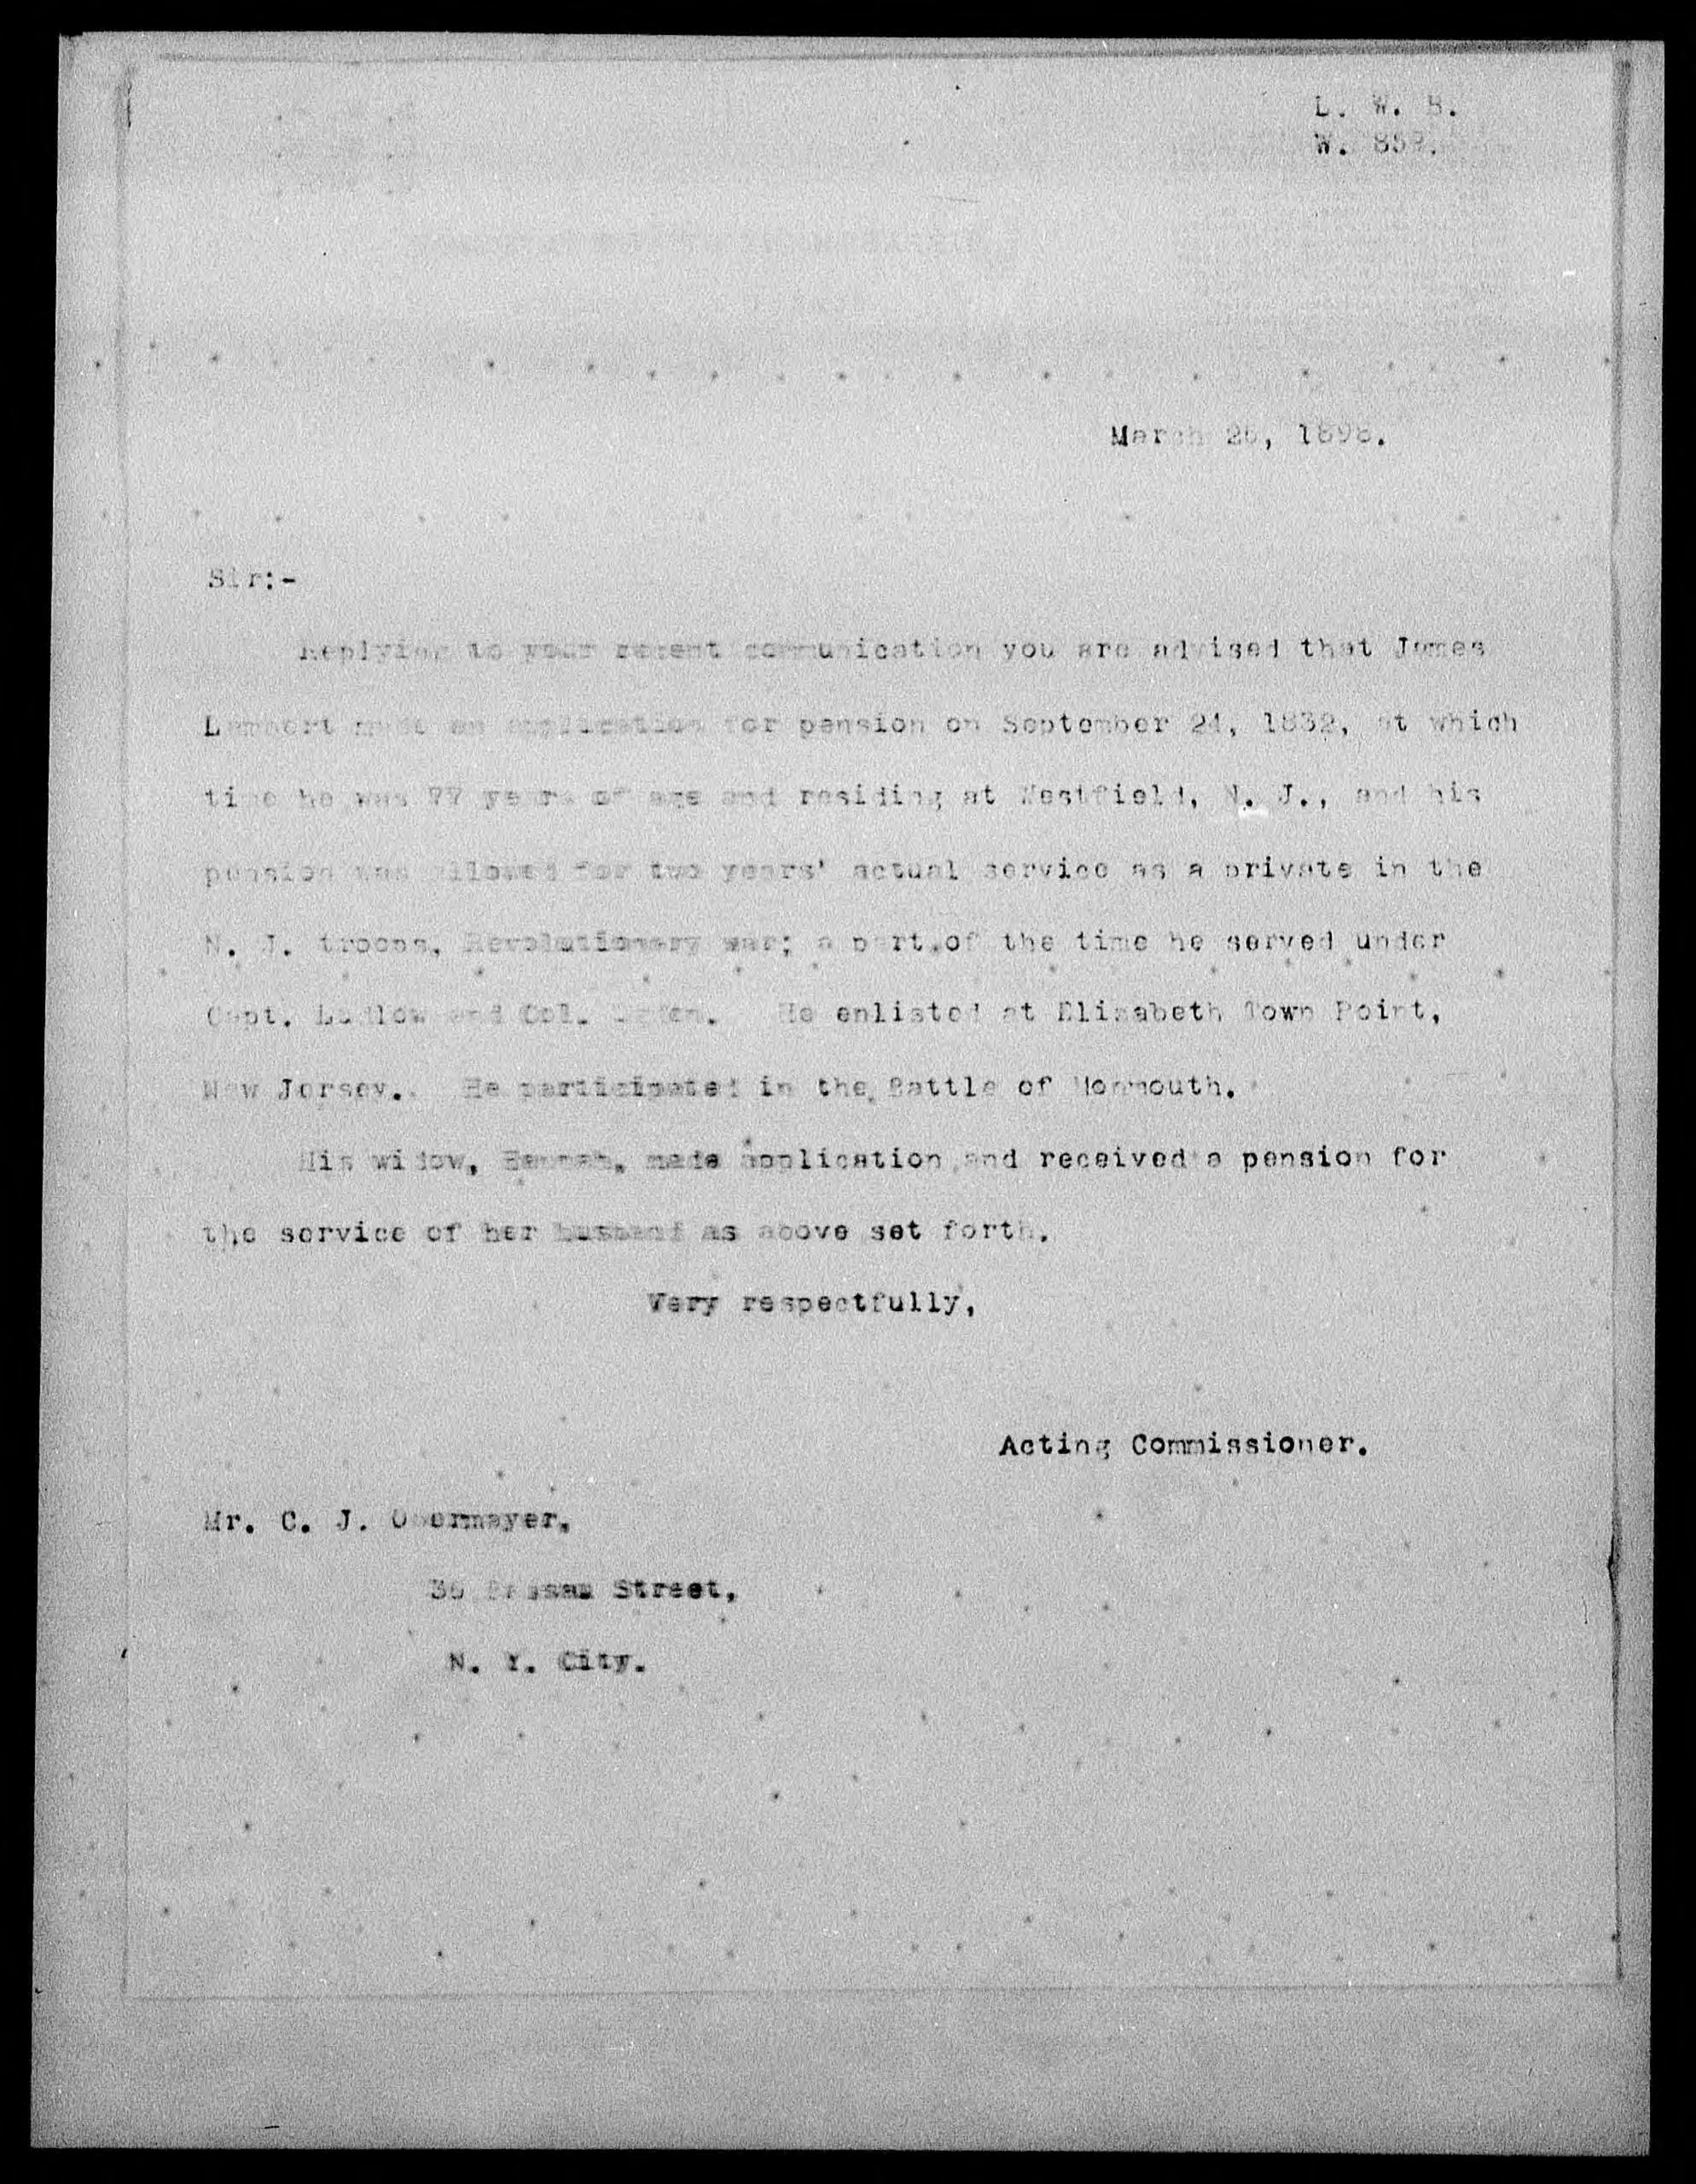March 26, 1898.

Sir: --
Replying to your recent communication you are advised that James Lambert made an application for pension on September 24, 1832, at which time he was 77 years of age and residing at Westfield, N. J., and his pension was allowed for two years' actual service as a private in the N. J. troops, Revolutionary war; a part of the time he served under Capt. Ludlow and Col. [illegible]. He enlisted at Elizabeth Town Point New Jersey. He participate in the Battle of Monmouth.
His widow, Emma, made application and received a pension for the service of her husband as above set forth,
Very respectfully,
Acting Commissioner.

Mr. C. J. Obermeyer,
36 [illegible] Street,
N. Y. City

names: [BLANK] [ILLEGIBLE]; [BLANK] Ludlow; C J Obermayer; James Lambert; Hannah [BLANK]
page: 28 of 49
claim: widow's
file: W. 859, for James Lambert, New Jersey